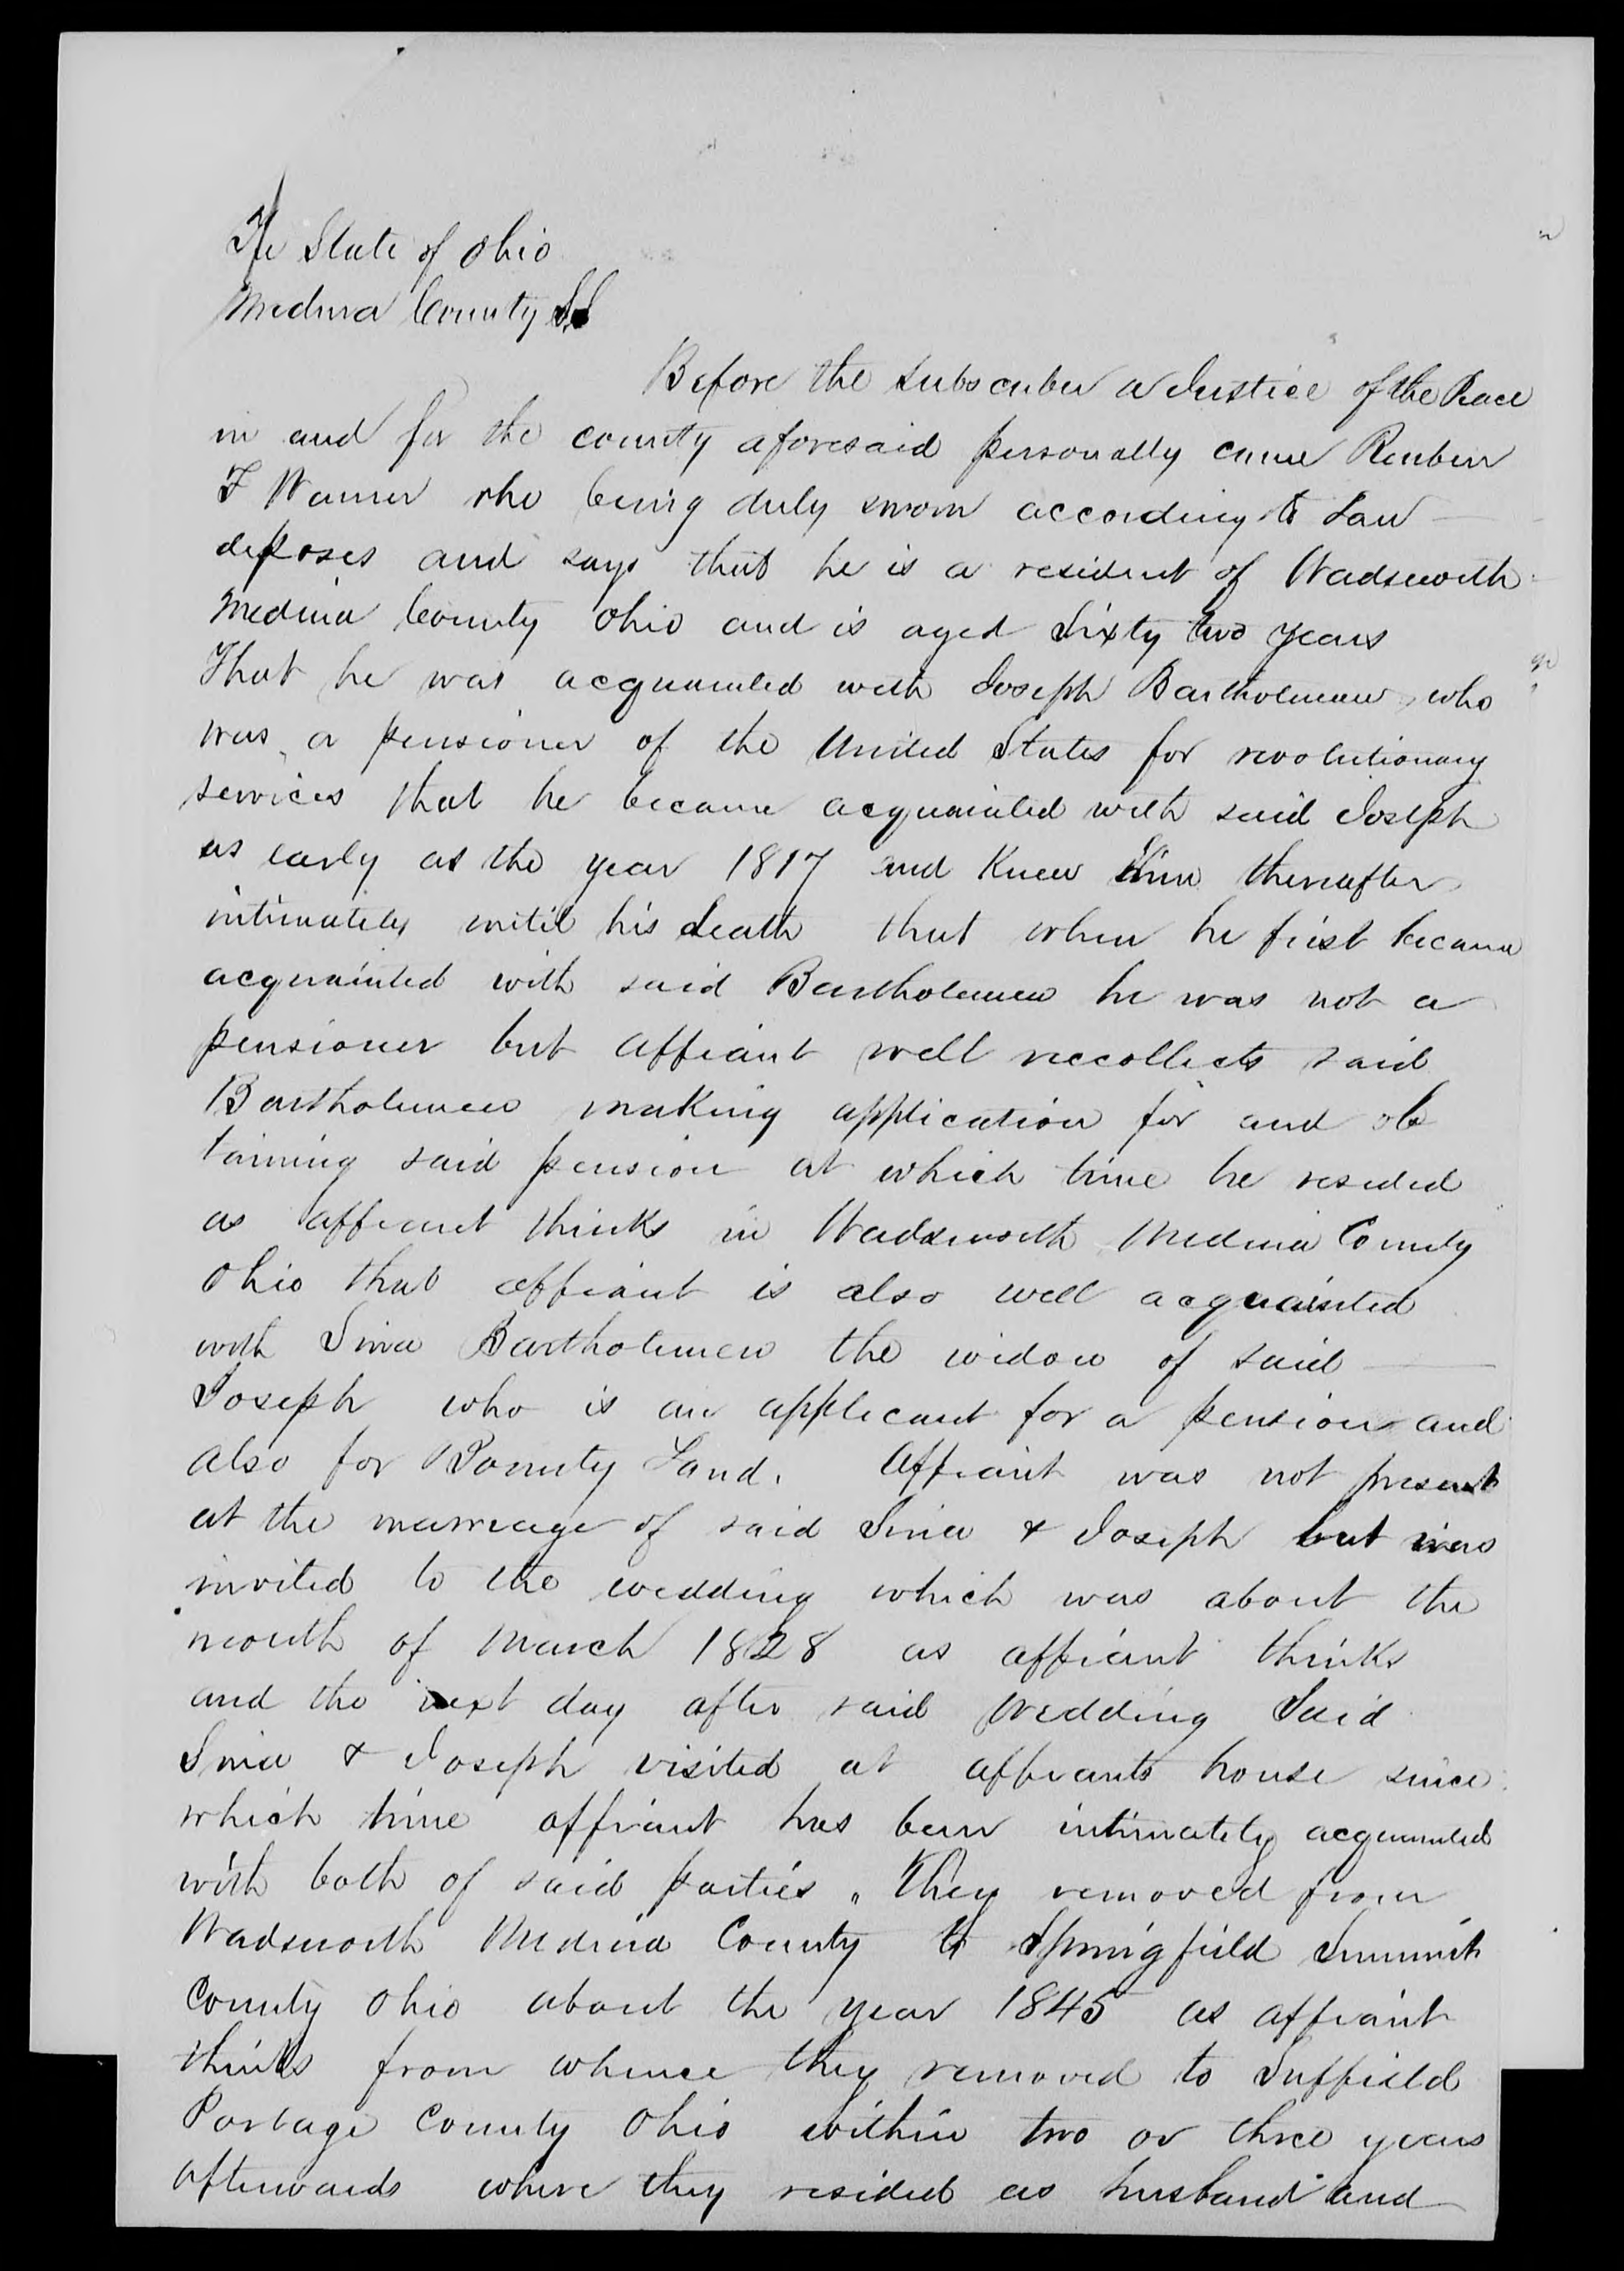The State of Ohio
Medina County SS
Before the subscriber a Justice of the Peace
in and for the County aforesaid personally came Reuben F
Warner who being duly sworn according to Law
deposes and says that he is a resident of Wadsworth
Medina County Ohio and is aged Sixty two years
That he was acquainted with Joseph Bartholomew, who
was a pensioner of the United States for revolutionary
services that he became acquainted with said Joseph
as early as the year 1817 and knew him thereafter,
intimately until his death that when he first became
acquainted with said Bartholomew he was not a
pensioner but affiant well recollects said
Bartholomew making application for and ob-
taining said pension at which time he resided
as affiant thinks in Wadsworth Medina County
Ohio that affiant is also well acquainted with
in Sina Bartholomew the widow of said
Joseph who is an applicant for a pension and
also for Bounty Land.
Affiant was not present at the marriage of said Sina & Joseph but was invited to the wedding which was about the
month of March 1828 as affiant thinks
and the next day after said wedding said
Sina & Joseph visited at affiants house since
which time affiant has been intimately acquainted with
both of said parties, they removed from
Wadsworth Medina County to
Springfield Summit
County Ohio about the year 1845 as affiant
thinks from whence they removed to Suffield
Portage County Ohio within two or three years
afterwards where they resided as husband and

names: Joseph, Joseph, Sina, Bartholemew, Reuben F Warner, Sina Bartholemew, Joseph Bartholemew, Sina, Bartholemew, Joseph, Joseph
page: 47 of 76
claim: widow's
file: W. 9345, Joseph Bartholomew, Conn.